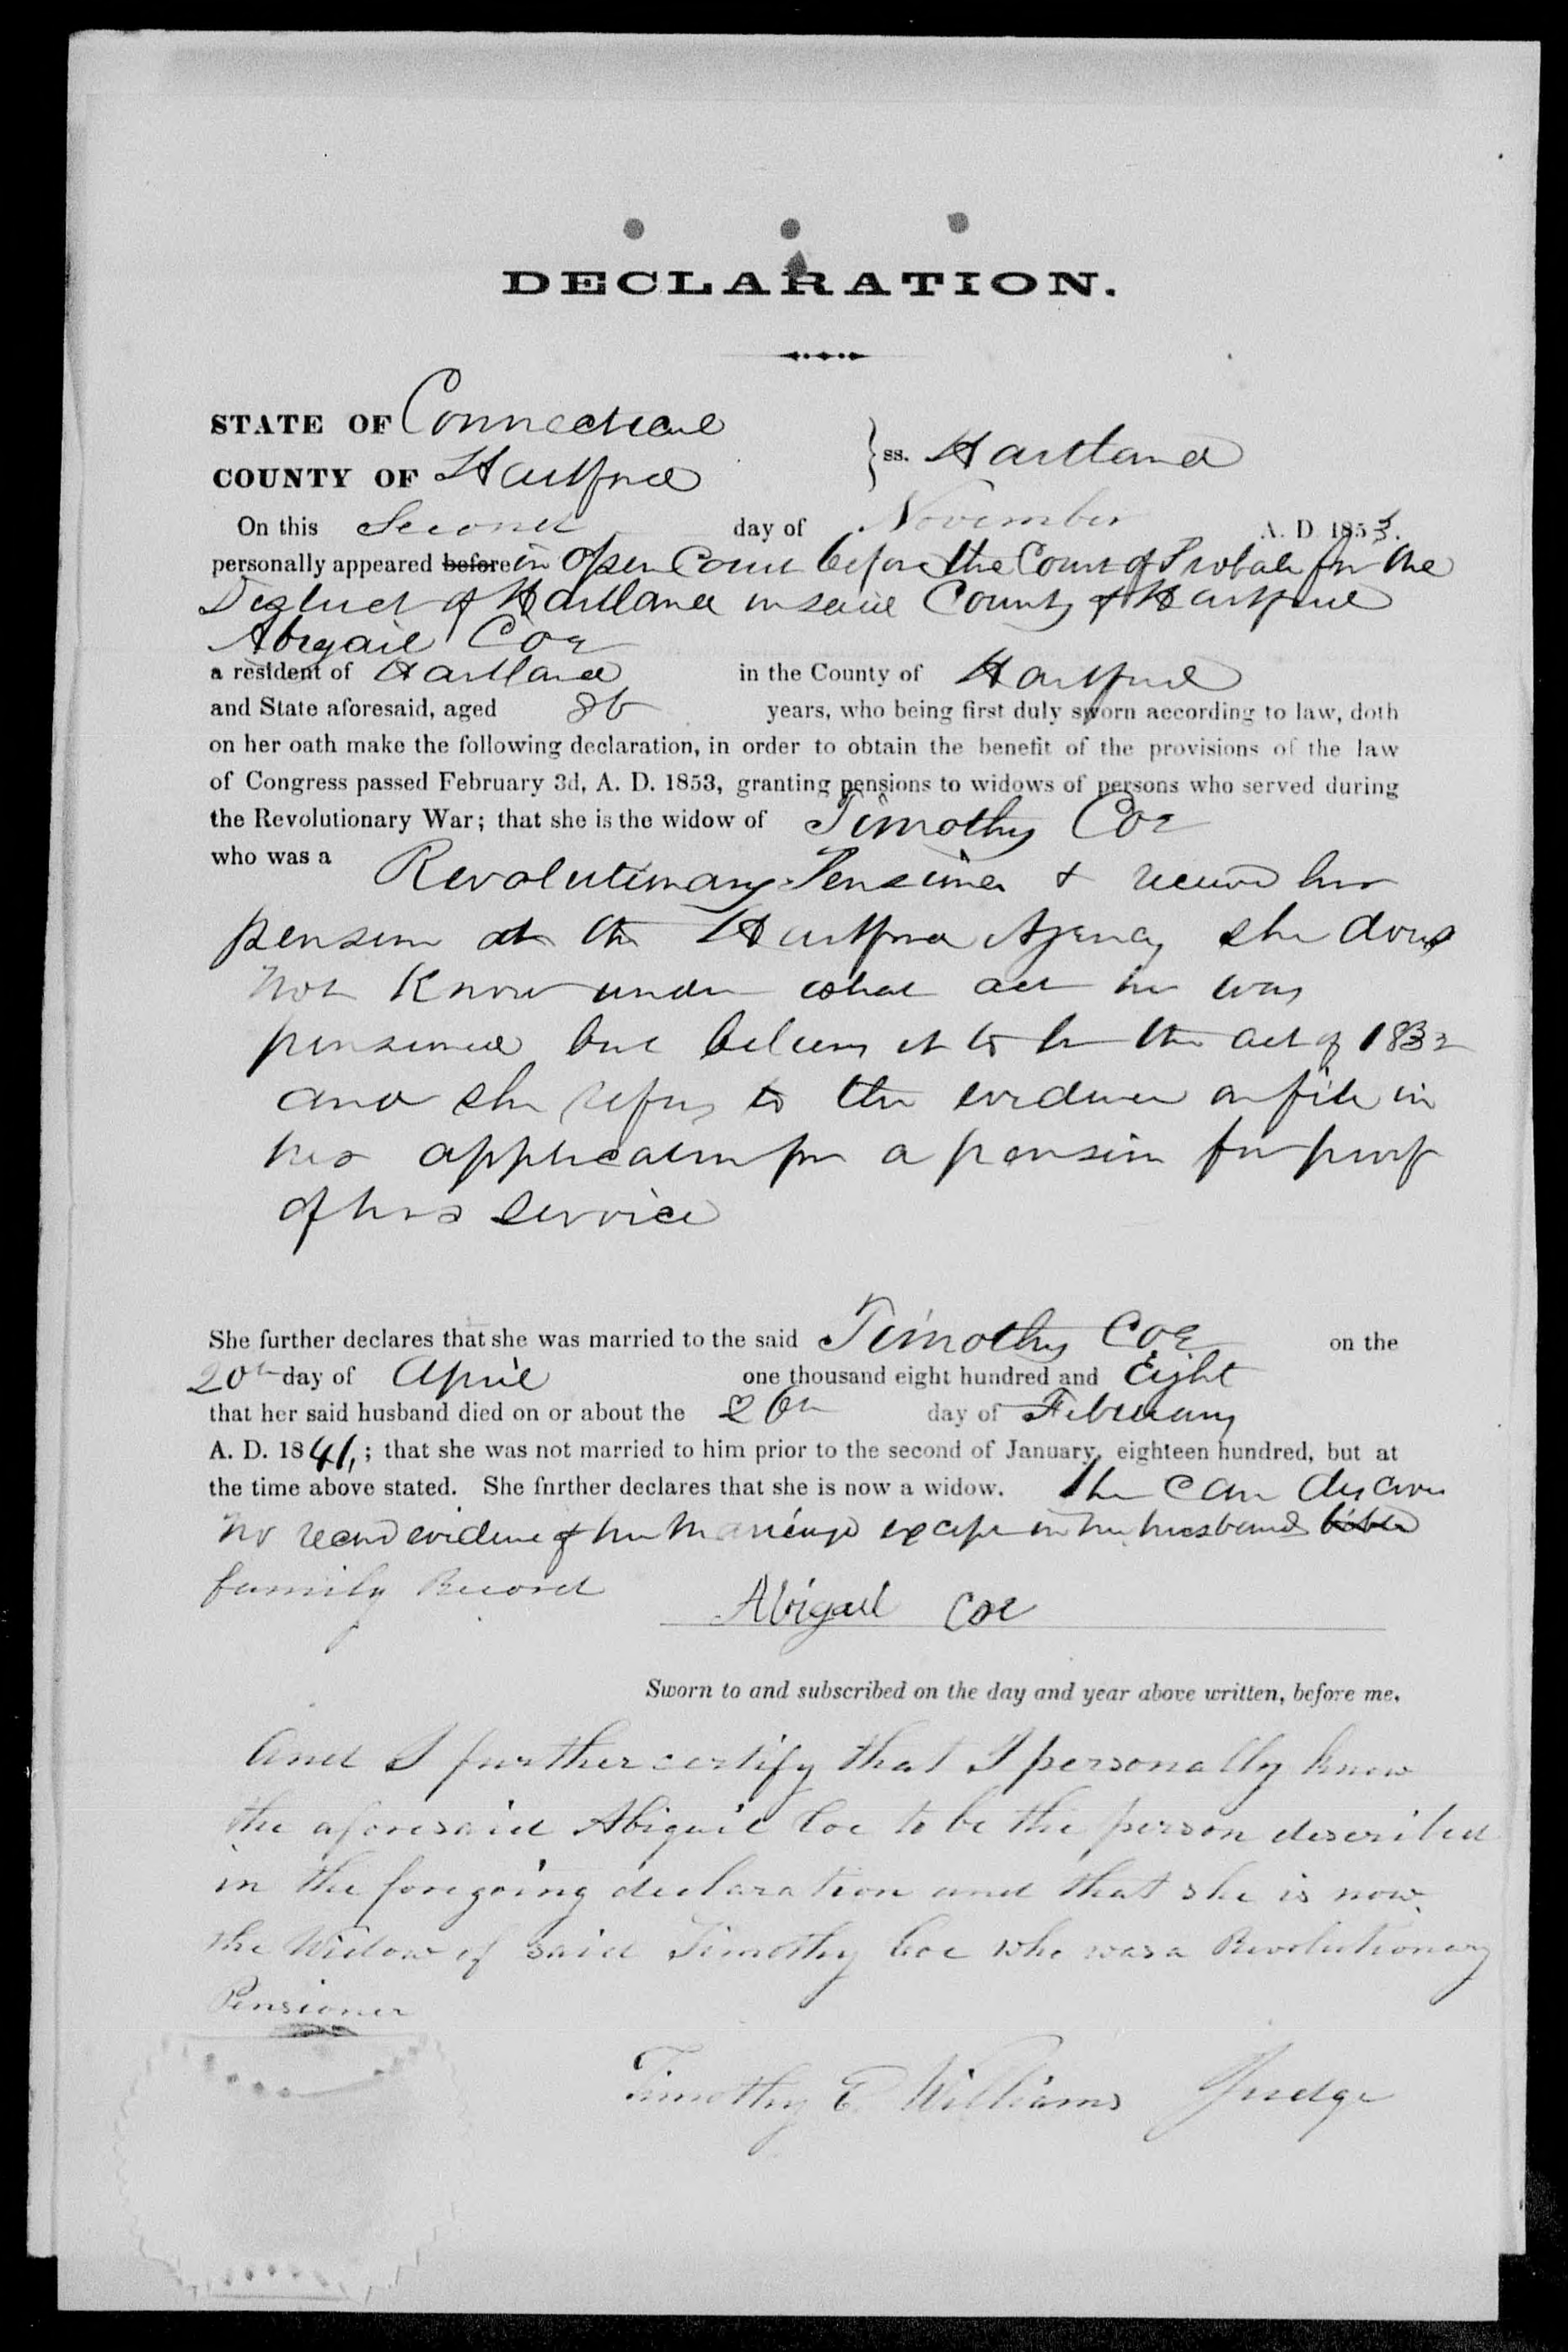DECLARATION.
STATE OF Connecticut
COUNTY OF Hartford
┃ Hartland
On this Second
day of
November
A. D. 1853.
personally appeared before in Open Court before the Court of Probate for the
District of Hartland in said County of Hartford
Abigail Coe
a resident of Hartland in the County of Hartford
and State aforesaid, aged 86
years, who being first duly sworn according to law, doth
on her oath make the following declaration, in order to obtain the benefit of the provisions of the law
of Congress passed February 3d, A. D. 1853, granting pensions to widows of persons who served during the
Revolutionary War; that she is the widow of Timothy Coe
who was a
Revolutionary Pensioner & receive her
pension at the Hartford Agency she does
not know under what act he was
pensioned but believe it to be the act of 1832
and she refers to the evidence on file in
her application for a pension for himself
of his service
She further declares that she was married to the said Timothy Coe
20th day of April
one thousand eight hundred and eight
that her said husband died on or about the 26th day of February
A. D. 1841; that she was not married to him prior to the second of January, eighteen hundred, but at
the time above stated. She further declares that she is now a widow. She can discover
no record evidence of her marriage except in her husbands bibles
family Record
Abigail Coe
Sworn to and subscribed on the day and year above written, before me,
And I further certify that I personally know
the aforesaid Abigail Coe to be the person described
in the foregoing declaration and that she is now
the widow of said Timothy Coe who was a Revolutionary
Pensioner
Timothy E Williams  Judge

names: Timothy Coe, Timothy Coe, Timothy Coe, Timothy E Williams, Abigail Coe, Abigail Coe, Abigail Coe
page: 10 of 76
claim: widow's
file: W. 5,250, Timothy Coe, Conn.